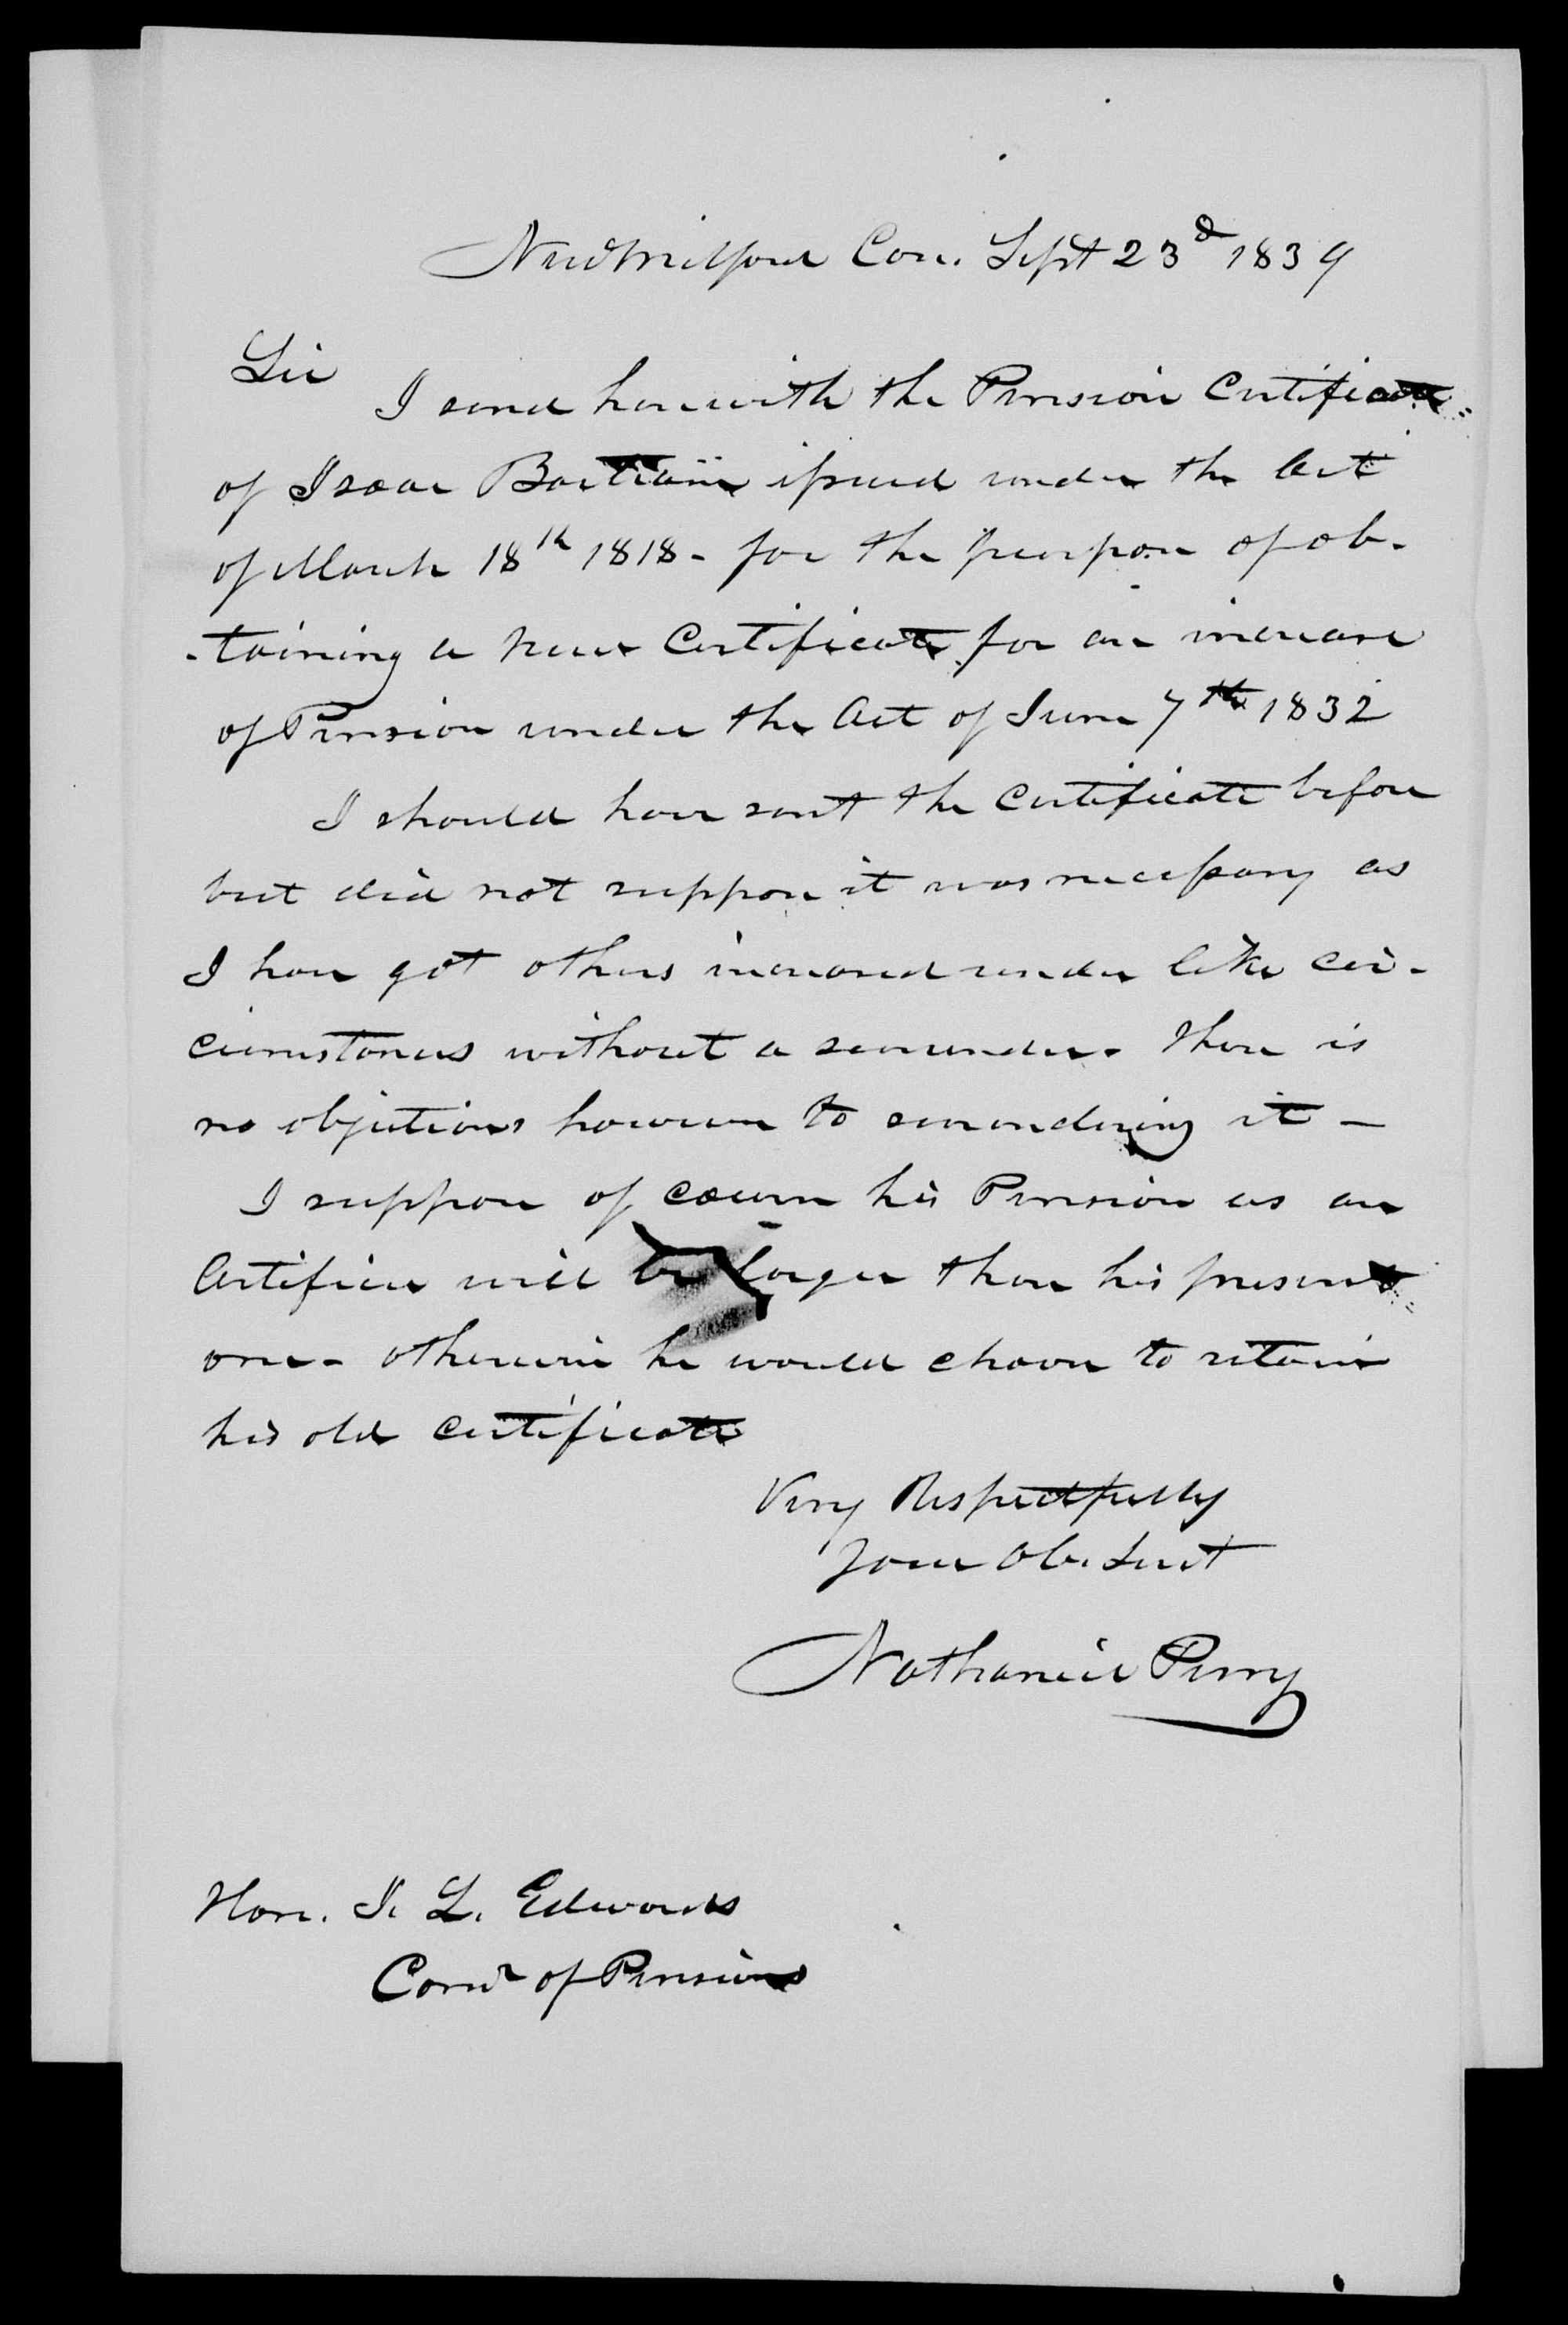New Milford Con. Sept 23d 1839
Sir
I send herewith the Pension Certificate
of Isaac Bartram issued under the Act
of March 18th 1818 for the purpose of obtaining a new certificate for an increase
of Pension under the act of June 7th 1832
I should have sent the certificate before
but did not suppose it was necessary as
I have got others increases under like circumstances without a surrender. There is
no objections however to surrendering it
I suppose of course his Pension as an
Artificer will be larger than his present
one otherwise he would choose to retain
his old certificate

Very Respectfully
Jour ob Sevt
Nathaniel Perry

Hon. J. L. Edwards
Comr of Pensions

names: Nathaniel Perry, J L Edwards, Isaac Bartram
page: 21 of 39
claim: survivor's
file: S. 12110, Isaac Bartram, Continental (Conn)